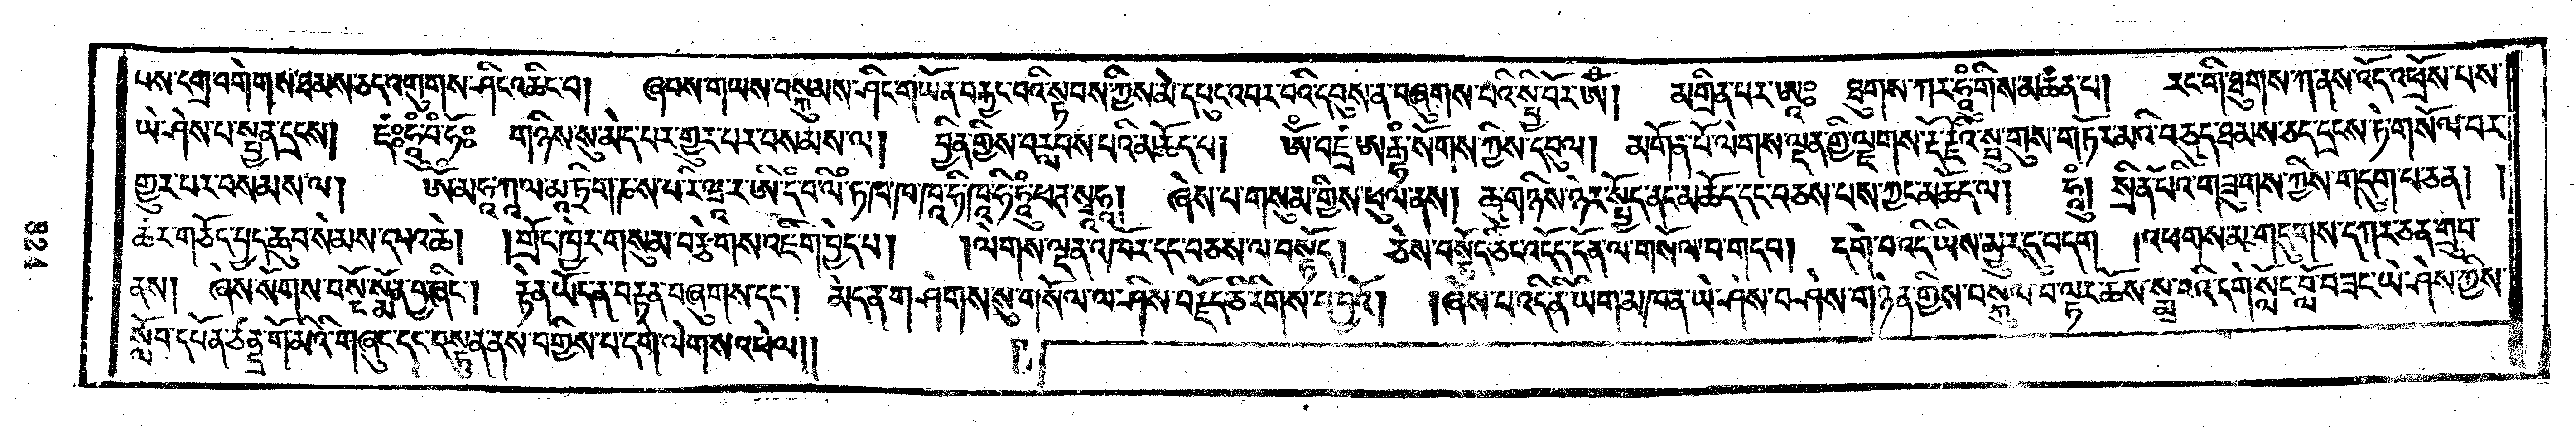པས་དགྲ་བགེགས་ཐམས་ཅད་འགུགས་ཤིང་འཆིང་བ། ཞབས་གཡས་བསྐུམས་ཤིང་གཡོན་བརྐྱང་བའི་སྟབས་ཀྱིས་མེ་དཔུང་འབར་བའི་དབུས་ན་བཞུགས་པའི་སྤྱི་བོར་ཨོཾ། མགྲིན་པར་ཨཱཿཐུགས་ཀར་ཧཱུཾ་གིས་མཚན་པ། རང་གི་ཐུགས་ཀ་ནས་འོད་འཕྲོས་པས་
ཡེ་ཤེས་པ་སྤྱན་དྲངས། ཛཿཧཱུཾ་བཾ་ཧོཿགཉིས་སུ་མེད་པར་གྱུར་པར་བསམས་ལ། བྱིན་གྱིས་བརླབས་པའི་མཆོད་པ། ཨོཾ་བཛྲ་ཨརྒྷཾ་སོགས་ཀྱིས་དབུལ། མགོན་པོ་ལེགས་ལྡན་གྱི་ལྗགས་རྡོ་རྗེའི་སྦུ་གུས་གཏོར་མའི་བཅུད་ཐམས་ཅད་དྲངས་ཏེ་གསོལ་བར་
གྱུར་པར་བསམས་ལ། ཨོཾ་མཧཱ་ཀཱ་ལ་མཱ་ཏྲི་ག་ཎ་ས་པ་རི་ཝཱ་ར་ཨི་དཾ་བ་ལིཾ་ཏ་ཁ་ཁ་ཁཱ་ཧི་ཁཱ་ཧི་ཏཱུཾ་ཕཊ་སྭཱ་ཧཱ། ཞེས་པ་གསུམ་གྱིས་ཕུལ་ནས། ཆུ་གཉིས་ཉེར་སྤྱོད་ནང་མཆོད་དང་བཅས་པས་ཀྱང་མཆོད་ལ། ཧཱུཾ། སྲིན་པོའི་གཟུགས་ཀྱིས་གདུག་པ་ཅན། །
ཚར་གཅོད་བྱད་ཆུབ་སེམས་དཔའ་ཆེ། །གྲོང་ཁྱེར་གསུམ་བརྩེ་གས་འཇིག་བྱེད་པ། །ལེགས་ལྡན་འཁོར་དང་བཅས་ལ་བསྟོད། ཅེས་བསྟོད་ཅིང་འདོད་དོན་ལ་གསོལ་བ་གདབ། དགེ་བ་འདི་ཡིས་མྱུར་དུ་བདག །འཕགས་མ་གདུགས་དཀར་ཅན་གྲུབ་
ནས། ཞེས་སོས་བསྔོ་སྨོན་བྱ་ཞིང་། རྟེན་ཡོད་ན་བརྟན་བཞུགས་དང་། མེད་ན་གཤེགས་སུ་གསོལ་ལ་ཤིས་བརྗོད་ཅི་རིགས་པ་བྱའོ། །ཞེས་པ་འདི་ནི་ཡིག་མཁན་ཡེ་ཤེས་གཉེན་གྱིས་བསྐུལ་བ་ལྟར་ཆོས་སྨྲ་བའི་དགེ་སློང་བློ་བཟང་ཡེ་ཤེས་ཀྱིས་
སློབ་དཔོན་ཙནྡྲ་གོ་མིའི་གཞུང་དང་བསྟུན་ནས་བགྱིས་པ་དགེ་ལེགས་འཕེལ།། །།